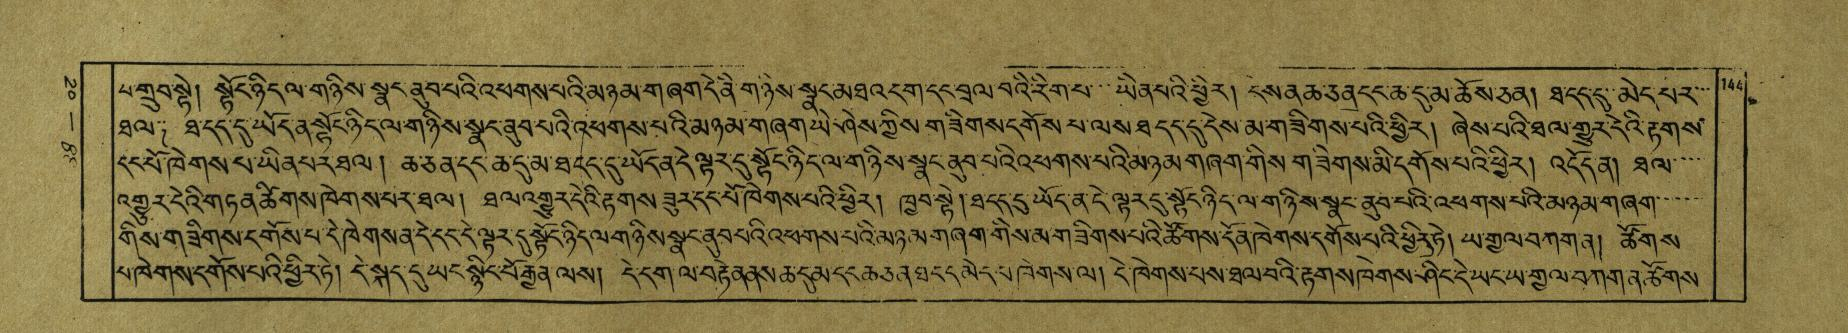པ་གྲུབ་སྟེ། སྟོང་ཉིད་ལ་གཉིས་སྣང་ནུབ་པའི་འཕགས་པའི་མཉམ་གཞག་དེ་ནི་གཉིས་སྣང་མཐའ་དག་དང་བྲལ་བའི་རིག་པ་ཡིན་པའི་ཕྱིར། དེས་ན་ཆ་ཅན་དང་ཆ་དུ་མ་ཆོས་ཅན། ཐ་དད་དུ་མེད་པར་
ཐལ༑ ཐ་དད་དུ་ཡོད་ན་སྟོང་ཉིད་ལ་གཉིས་སྣང་ནུབ་པའི་འཕགས་པའི་མཉམ་གཞག་ཡེ་ཤེས་ཀྱིས་གཟིགས་དགོས་པ་ལས་ཐ་དད་དུ་དེས་མ་གཟིགས་པའི་ཕྱིར། ཞེས་པའི་ཐལ་གྱུར་དེའི་རྟགས་
དང་པོ་ཁེགས་པ་ཡིན་པར་ཐལ། ཆ་ཅན་དང་ཆ་དུ་མ་ཐ་དད་དུ་ཡོད་ན་དེ་ལྟར་དུ་སྟོང་ཉིད་ལ་གཉིས་སྣང་ནུབ་པའི་འཕགས་པའི་མཉམ་གཞག་གིས་གཟིགས་མི་དགོས་པའི་ཕྱིར། འདོད་ན། ཐལ་
འགྱུར་དེའི་གཏན་ཚིགས་ཁེགས་པར་ཐལ། ཐལ་འགྱུར་དེའི་རྟགས་ཟུར་དང་པོ་ཁེགས་པའི་ཕྱིར། ཁྱབ་སྟེ། ཐ་དད་དུ་ཡོད་ན་དེ་ལྟར་དུ་སྟོང་ཉིད་ལ་གཉིས་སྣང་ནུབ་པའི་འཕགས་པའི་མཉམ་གཞག་
གིས་གཟིགས་དགོས་པ་དེ་ཁེགས་ན་དེ་དང་དེ་ལྟར་དུ་སྟོང་ཉིད་ལ་གཉིས་སྣང་ནུབ་པའི་འཕགས་པའི་མཉམ་གཞག་གིས་མ་གཟིགས་པའི་ཚོགས་དོན་ཁེགས་དགོས་པའི་ཕྱིར་ཏེ། ཡ་གྱལ་བཀག་ན། ཚོགས་
པ་ཁེགས་དགོས་པའི་ཕྱིར་ཏེ། དེ་སྐད་དུ་ཡང་སྙིང་པོ་རྒྱན་ལས། དེ་དག་ལ་བརྟེན་ནས་ཆ་དུ་མ་དང་ཆ་ཅན་ཐ་དད་མེད་པ་ཁེགས་ལ། དེ་ཁེགས་པས་ཐལ་བའི་རྟགས་ཁེགས་ཤིང་དེ་ཡང་ཡ་གྱལ་བཀག་ན་ཚོགས་